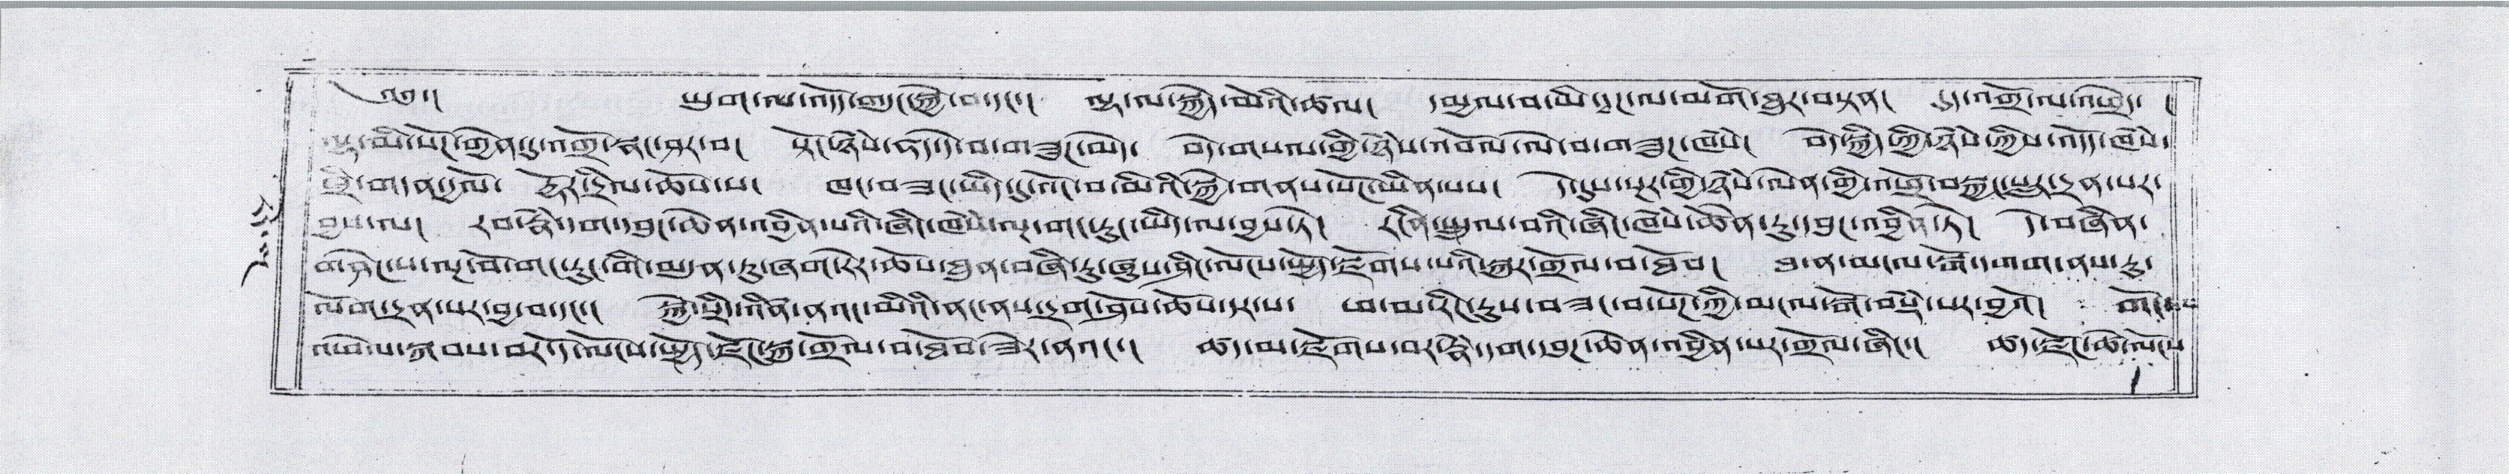ཡུག་ལ་འདོད་གདུང་སྐྱེ་བ་དང། ལྷ་ལ་སྐྱེད་མོའི་ཚལ། དམྱལ་བ་ཡི་དྭགས་ལ་མགོ་ཐུར་བསྟན། དུད་འགྲོ་ལ་འཕྲེད། 
ལྷ་མི་སོགས་གྱེན་དུ་འགྲོ་སྣང་ཤར་བ། སྟོང་ཉམས་ཧད་དེ་བ་གཟུགས་མེད། བདེ་གསལ་གྱི་ཉམས་འབོལ་ལེ་བ་གཟུགས་ཁམས། བདེ་སྐྱིད་ཀྱི་ཉམས་ཀྱིས་འདོད་ཁམས་
ཁྲི་གདན་རྒྱལ་པོ། རྡོར་དྲིལ་ཆོས་པ། ཁང་བཟང་ཡིད་དུ་འོང་བ་མིའི་སྐྱེ་གནས་སོགས་ཡིན་པས། དེ་དུས་སྔར་གྱི་ཉམས་ལེན་གྱི་འཕྲོ་བསྐྱང་སླར་དྲན་པར་
བྱས་ལ། རབ་རྣམ་དག་དབུགས་ཆེན་འབྱིན་པའི་ཞིང་ཁམས་ལྔ་གང་རུང་ཡིད་ལ་བྱས་ཏེ། རང་བཞིན་སྤྲུལ་བའི་ཞིང་ཁམས་ཆེན་པོ་རུ་དབུགས་འབྱིན་ཏེ། དེ་བཞིན་
གཤེགས་པ་ལྔ་བོ་གང་རུང་གི་མདུན་དུ་ཞག་རེར་ཆོས་ཐུན་བཞི་རུ་ཞུས་ཤིང་ལོངས་སྤྱོད་རྫོགས་པའི་སྐུར་གྲོལ་བ་ཐོབ། ཐ་ན་མངལ་སྒོ་དགག་ནས་རུ་
ལོག་དྲན་པར་བྱ་བ་དང། སྐྱེ་སྲིད་འཛིན་ནའང་མིའི་ནང་ནས་དྲག་ཤོས་ཆོས་དར་པ། ཕ་མ་རིགས་རུས་བཟང་བ་སོགས་ཀྱི་མངའ་སྒོ་བསྡམ་པར་བྱའོ། གོང་
འཕེལ་སྐབས་བར་དོ་ལོངས་སྤྱོད་རྫོགས་ཀུ་གྲོལ་བ་ཐོབ་ཟེར་ནའང། ཚད་མ་རྫོགས་བར་རྣམ་དག་དབུགས་ཆེན་འབྱིན་པར་གྲོལ་ཞིང། ཚད་རྫོགས་ཚེ་ལོངས་